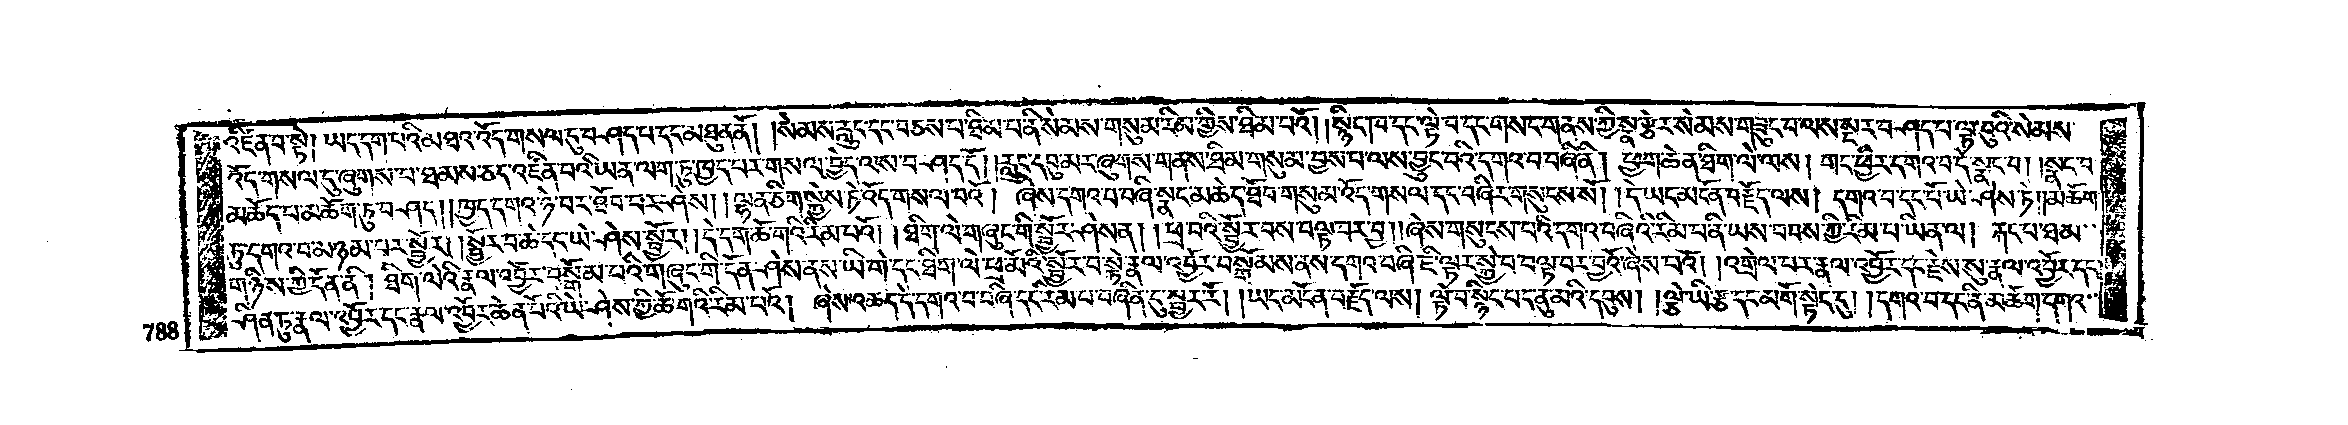འཛིན་པ་སྟེ། ཡང་དག་པའི་མཐའ་འོད་གསལ་དུ་བཤད་པ་དང་མཐུན་ནོ། །སེམས་རླུང་དང་བཅས་པ་ཐིམ་པ་ནི་སེམས་གསུམ་རིམ་གྱིས་ཐིམ་པའོ། །སྙིང་ཁ་དང་ལྟེ་བ་དང་གསང་གནས་ཀྱི་སྣ་རྩེར་སེམས་གཟུང་བ་ལས་སྔར་བཤད་པ་ལྟ་བུའི་སེམས་
འོད་གསལ་དུ་ཞུགས་པ་ཐམས་ཅད་འཛིན་པའི་ཡན་ལག་ཏུ་ཁྱད་པར་གསལ་བྱེད་ལས་བཤད་དོ། །རླུང་དབུ་མར་ཞུགས་གནས་ཐིམ་གསུམ་བྱས་པ་ལས་བྱུང་བའི་དགའ་བ་བཞི་ནི། ཕྱག་ཆེན་ཐིག་ལེ་ལས། གང་ཕྱིར་དགའ་བ་དེ་སྣང་བ། །སྣང་བ་
མཆོད་པ་མཆོག་ཏུ་བཤད། །ཁྱད་དགའ་ཉེ་བར་ཐོབ་པར་ཤེས། །ལྷན་ཅིག་སྐྱེས་ཏེ་འོད་གསལ་བའོ། །ཞེས་དགའ་བ་བཞི་སྣང་མཆེད་ཐོབ་གསུམ་འོད་གསལ་དང་བཞིར་གསུངས་སོ། །དེ་ཡང་མངོན་བརྗོད་ལས། དགའ་བ་དང་པོ་ཡེ་ཤེས་ཏེ། །མཆོག་
ཏུ་དགའ་བ་མཉམ་པར་སྦྱོར། །སྦྱོར་བ་ཆེ་དང་ཡེ་ཤེས་སྦྱོར། །དེ་དག་ཆོ་གའི་རིམ་པའོ། །ཐིག་ལེ་གཞུང་གི་སྦྱོར་ཤེས་ན། །ཕྲ་བའི་སྦྱོར་བས་བལྟ་བར་བྱ། །ཞེས་གསུངས་པའི་དགའ་བཞིའི་རིམ་པ་ནི་ཡས་བབས་ཀྱི་རིམ་པ་ཡིན་ལ། རྐང་པ་ཐ་མ་
གཉིས་ཀྱི་དོན་ནི། ཐིག་ལེའི་རྣལ་འབྱོར་བསྒོམ་པའི་གཞུང་གི་དོན་ཤེས་ནས་ཡི་གེ་དང་ཐིག་ལེ་ཕྲ་མོའི་སྦྱོར་བ་སྟེ་རྣལ་འབྱོར་བསྒོམས་ནས་དགའ་བཞི་ཇི་ལྟར་སྐྱེ་བ་བལྟ་བར་བྱའོ་ཞེས་པའོ། །འགྲེལ་པར་རྣལ་འབྱོར་དང་རྗེས་སུ་རྣལ་འབྱོར་དང་
ཤིན་ཏུ་རྣལ་འབྱོར་དང་རྣལ་འབྱོར་ཆེན་པོའི་ཡེ་ཤེས་ཀྱི་ཆོ་གའི་རིམ་པའོ། ཞེས་འཆད་དེ་དགའ་བ་བཞི་དང་རིམ་པ་བཞིན་དུ་སྦྱར་རོ། །ཡང་མངོན་བརྗོད་ལས། ལྟེ་བ་སྙིང་པད་ནུ་མའི་དབུས། །ལྕེ་ཡི་རྩ་དང་མགོ་སྟེང་དུ། །དགའ་བ་དང་ནི་མཆོག་དགའ་